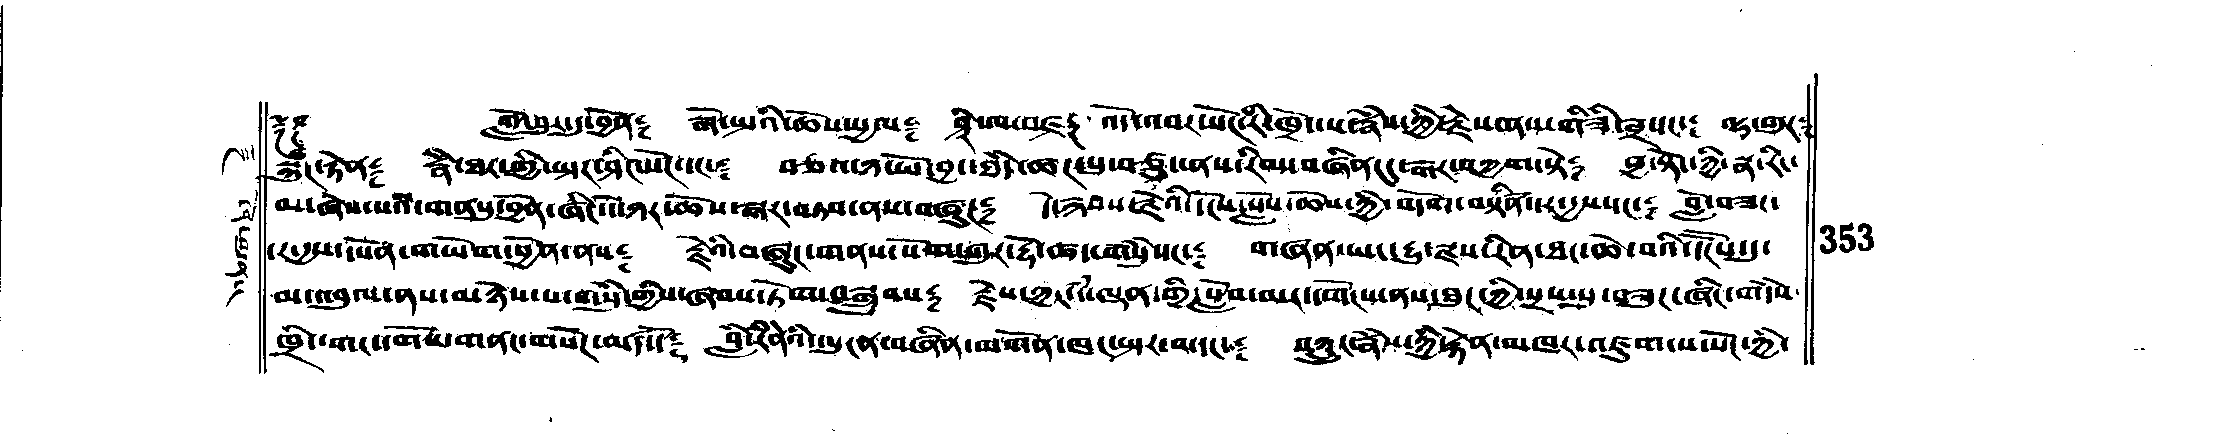གློ་བུར་དུ་བྱོན། སྒོ་སྤའི་ཆོས་གསལ། ཤཱི་ལ་བཛྲ། འོད་འབར་སོགས་རི་ཁྲོད་པ་རྣམས་ཀྱི་རྗེས་ནས་གཟིམ་སྦྲ་དང་།ལྷ་གུར། 
སྐུ་གསུང་ཐུགས་རྟེན། རྣམ་ཐར་གྱི་སྤར་ཤིང་སོགས་དང་། བཅའ་ཀ་ཡོ་བྱད་ཐམས་ཅད་ཚགས་སུ་བཙུད་ནས་རིམ་བཞིན་དུ་སྒར་བཀྱགས་ཏེ། བྱ་སྟོད་ཀྱི་སྣ་རིང་
མ་ཞེས་པའི་གནས་སུ་བྱོན་ཞིང་དེ་དཀར་ཆོས་སྒར་བཏབ་ནས་བཞུགས། དེ་སྐབས་རྗེའི་དངོས་སློབ་ཆོས་ཀྱི་བདག་པོ་བསྟན་འཛིན་དར་རྒྱས་དང་། བློ་བཟང་
དར་རྒྱས་དཔོན་གཡོག་བྱོན་ནས། རྗེའི་བཞུགས་གནས་སོག་གུར་རྡོ་ཚད་གསུམ་དང་། གཞན་ཡང་རྒྱུ་རྫས་རིན་ཐང་ཆེ་བའི་དངོས་པོ་དུ་
མ་འབུལ་ནས་མཉེས་པ་གསུམ་གྱིས་ཞབས་ཏོག་བསྒྲུབས། རྗེས་ཀྱང་དམ་ལྡན་གྱི་སློབ་མར་དགོངས་ནས་ཐུགས་ཀྱི་སྲས་སུ་བཟུང་ཞིང་གདམས་
ཁྲིད་གང་དགོས་གནང་བ་སོགས་མཛད་དོ། བླ་མ་རིན་པོ་ཆེའི་ལུང་བསྟན་བཞིན་མགོན་ཁང་སྤར་བ་དང་། བཀའ་སྲུང་རྣམས་ཀྱི་རྟེན་མཁར་འཛུག་པ་སོགས་ཀྱི་